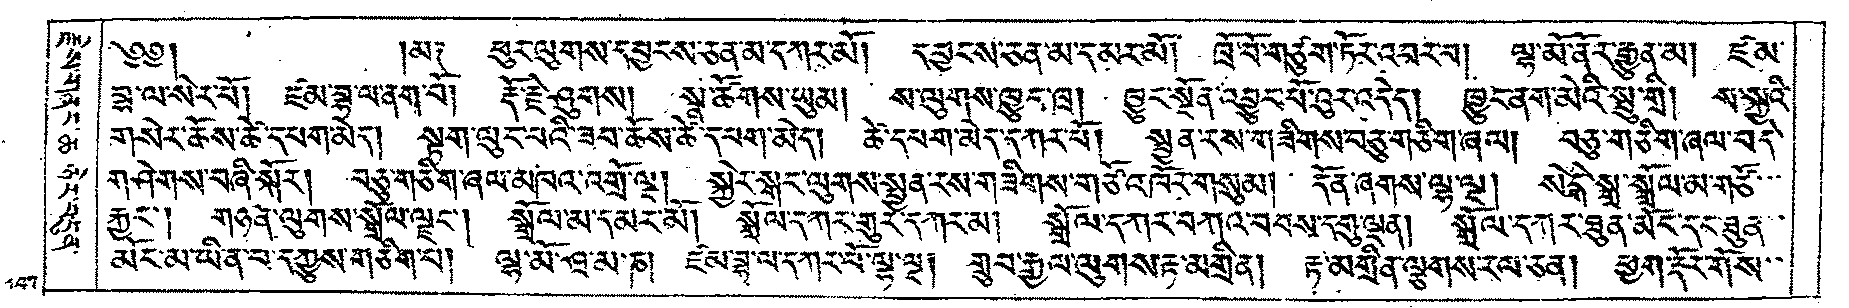༄༅། །མ། པུང་ལུགས་དབྱངས་ཅན་མ་དཀར་མོ། དབྱངས་ཅན་མ་དམར་མོ། ཁྲོ་བོ་གཙུག་ཏོར་འབར་བ། ལྷ་མོ་ནོར་རྒྱུན་མ། ཛམ་
བྷ་ལ་སེར་པོ། ཛམ་བྷ་ལ་ནག་པོ། རྡོ་རྗེ་ཤུགས། སྣ་ཚོགས་ཡུམ། ས་ལུགས་ཁྱུང་ཁྲ། ཁྱུང་སྔོན་འབྱུང་པོ་འུར་འདེད། ཁྱུང་ནག་མེའི་སྤུ་གྲི། ས་སྐྱའི་
གསེར་ཆོས་ཚེ་དཔག་མེད། སྟག་ལུང་པའི་ཟབ་ཆོས་ཚེ་དཔག་མེད། ཚེ་དཔག་མེད་དཀར་པོ། སྤྱན་རས་གཟིགས་བཅུ་གཅིག་ཞལ། བཅུ་གཅིག་ཞལ་བདེ་
གཤེགས་བཞི་སྐོར། བཅུ་གཅིག་ཞལ་མཁའ་འགྲོ་ལྔ། སྐྱེར་སྒང་ལུགས་སྤྱན་རས་གཟིགས་གཙོ་འཁོར་གསུམ། དོན་ཞགས་ལྷ་ལྔ། སེངྒེ་སྒྲ་སྒྲོལ་མ་གཙོ་
རྐྱང་། གཉན་ལུགས་སྒྲོལ་ལྗང་། སྒྲོལ་མ་དམར་མོ། སྒྲོལ་དཀར་གུར་དཀར་མ། སྒྲོལ་དཀར་བཀའ་བབས་དགུ་ལྡན། སྒྲོལ་དཀར་ཐུན་མོང་དང་ཐུན་
མོང་མ་ཡིན་པ་དཀྱུས་གཅིག་པ། ལྷ་མོ་ཤྲ་མ་ཎ། ཛམ་བྷ་ལ་དཀར་པོ་ལྷ་ལྔ། གྲུབ་རྒྱལ་ལུགས་རྟ་མགྲིན། རྟ་མགྲིན་ལྕགས་རལ་ཅན། ཕྱག་རྡོར་གོས་